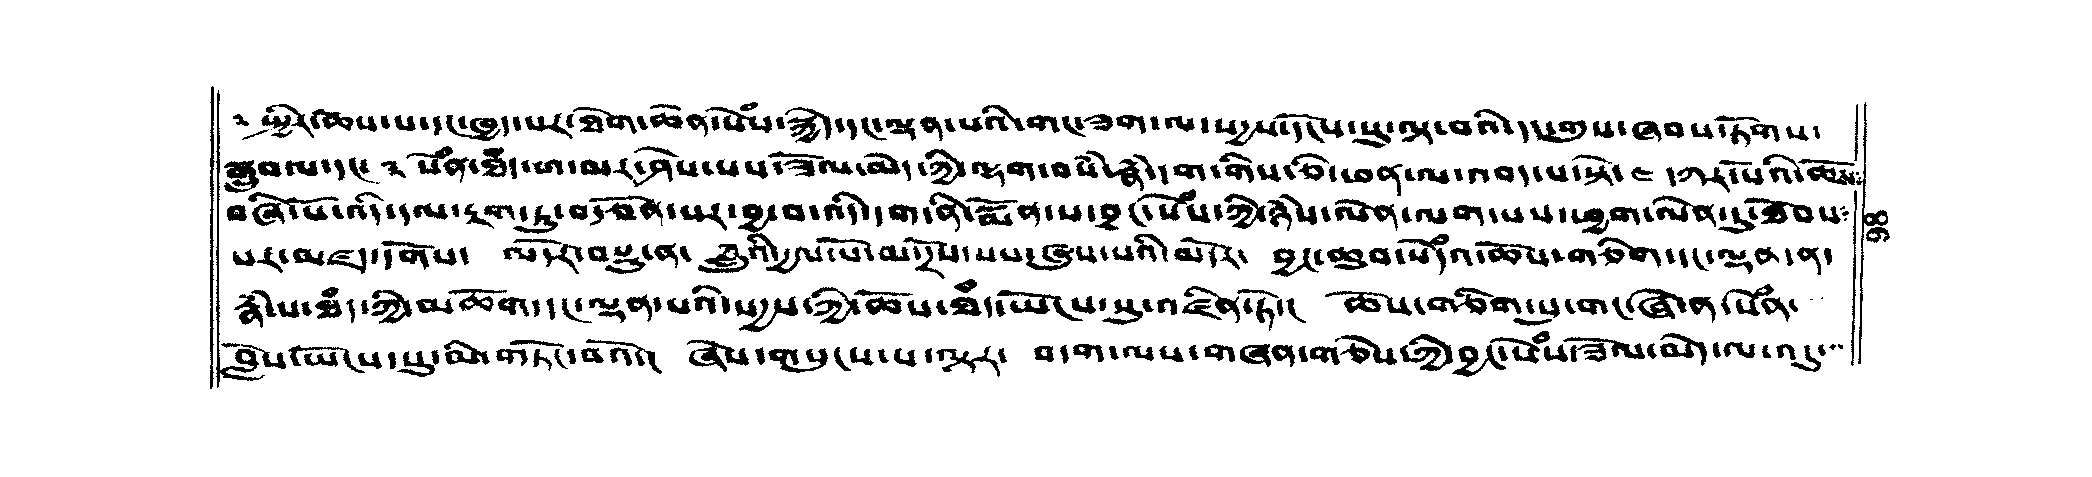སྤྱིར་ཆོས་པ་དང་ཁྱད་པར་ཐེག་ཆེན་སེམས་སྐྱེད་དང་ལྡན་པའི་གང་ཟག་ལ་སངས་རྒྱས་དངོས་སུ་ལྟ་བའི་དང་གུས་ཞབས་ཏོགས་
སྒྲུབ་པ་དང་།སེམས་ཅན་ཐམས་ཅད་ཕ་མར་ཤེས་པས་ཟོལ་མེད་ཀྱི་ལྷག་བསམ་རྣམ་དག་གིས་ཅི་ཕན་ལ་འབད་པ་སྟེ། དཀར་པོའི་ཆོས་
བཞི་པོ་འདི་དལ་རྟག་ཏུ་བརྩོན་པར་བྱ་བ་འདི་དག་ནི་སྨོན་པ་བྱང་སེམས་ཀྱི་ཉམས་ལེན་ལག་པས་ཕྱག་ལེན་དུ་ཐོབས་
པར་མཛད་དགོས། མདོར་བསྡུ་ན། ཀླུའི་རྒྱལ་པོ་མ་དྲོས་པས་ཞུས་པའི་མདོར། བྱང་ཆུབ་སེམས་དཔའ་ཆོས་གཅིག་དང་ལྡན་ན་
རྣམས་པ་ཐམས་ཅད་ཀྱི་མཆོག་དང་ལྡན་པའི་སངས་རྒྱས་ཀྱི་ཆོས་ཐམས་ཅད་ཡོངས་སུ་འཛིན་ཏེ། ཆོས་གཅིག་པུ་ག་ང་ཞེ་ན་སེམས་ཅན་
བློས་ཡོངས་སུ་མི་གཏོང་བའོ། ཞེས་གསུངས་པ་ལྟར། བདག་ལས་གཞན་གཅེས་ཀྱི་བྱང་སེམས་ཟོལ་མེད་ལ་འདུ་